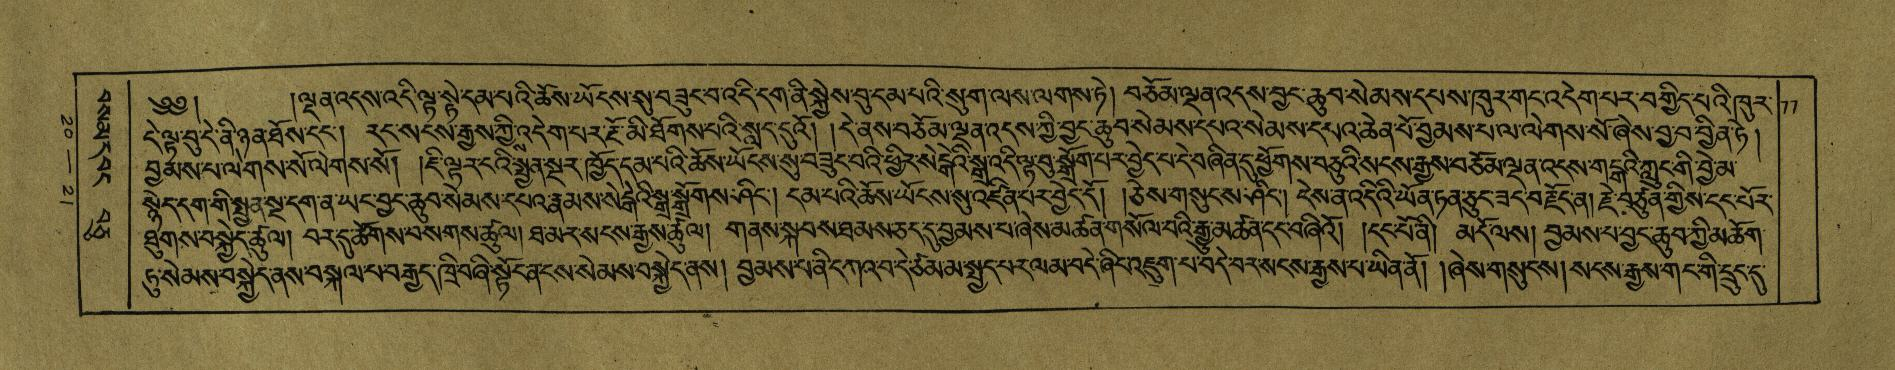༄༅། །ལྡན་འདས་འདི་ལྟ་སྟེ་དམ་པའི་ཆོས་ཡོངས་སུ་བཟུང་བ་འདི་དག་ནི་སྐྱེས་བུ་དམ་པའི་སུག་ལས་ལགས་ཏེ། བཅོམ་ལྡན་འདས་བྱང་ཆུབ་སེམས་དཔས་ཁུར་གང་འདེག་པར་བགྱིད་པའི་ཁུར་
དེ་ལྟ་བུ་དེ་ནི་ཉན་ཐོས་དང་། རང་སངས་རྒྱས་ཀྱིས་འདེག་པར་རྔོ་མི་ཐོགས་པའི་སླད་དུའོ། །དེ་ནས་བཅོམ་ལྡན་འདས་ཀྱི་བྱང་ཆུབ་སེམས་དཔའ་སེམས་དཔའ་ཆེན་པོ་བྱམས་པ་ལ་ལེགས་སོ་ཞེས་བྱ་བ་བྱིན་ཏེ།
བྱམས་པ་ལེགས་སོ་ལེགས་སོ། །ཇི་ལྟར་ངའི་སྤྱན་སྔར་ཁྱོད་དམ་པའི་ཆོས་ཡོངས་སུ་བཟུང་བའི་ཕྱིར་སེངྒེའི་སྒྲ་འདི་ལྟ་བུ་སྒྲོག་པར་བྱེད་པ་དེ་བཞིན་དུ་ཕྱོགས་བཅུའི་སངས་རྒྱས་བཅོམ་ལྡན་འདས་གངྒའི་ཀླུང་གི་བྱེ་མ་
སྙེད་དག་གི་སྤྱན་སྔ་དག་ན་ཡང་བྱང་ཆུབ་སེམས་དཔའ་རྣམས་སེངྒེའི་སྒྲ་སྒྲོགས་ཤིང་། དམ་པའི་ཆོས་ཡོངས་སུ་འཛིན་པར་བྱེད་དོ། །ཅེས་གསུངས་ཤིང་། དེས་ན་འདིའི་ཡོན་ཏན་ཅུང་ཟད་བརྗོད་ན། རྗེ་བཙུན་གྱིས་དང་པོར་
ཐུགས་བསྐྱེད་ཚུལ། བར་དུ་ཚོགས་བསགས་ཚུལ། ཐ་མར་སངས་རྒྱས་ཚུལ། གནས་སྐབས་ཐམས་ཅད་དུ་བྱམས་པ་ཞེས་མཚན་གསོལ་བའི་རྒྱུ་མཚན་དང་བཞིའོ། །དང་པོ་ནི། མདོ་ལས། བྱམས་པ་བྱང་ཆུབ་ཀྱི་མཆོག་
ཏུ་སེམས་བསྐྱེད་ནས་བསྐལ་པ་བརྒྱད་ཁྲི་བཞི་སྟོང་ན་ངས་སེམས་བསྐྱེད་ནས། བྱམས་པ་ནི་དཀའ་བ་དེ་ཙམ་མ་སྤྱད་པར་ལམ་བདེ་ཞིང་འཇུག་པ་བདེ་བར་སངས་རྒྱས་པ་ཡིན་ནོ། །ཞེས་གསུངས། སངས་རྒྱས་གང་གི་དྲུང་དུ་